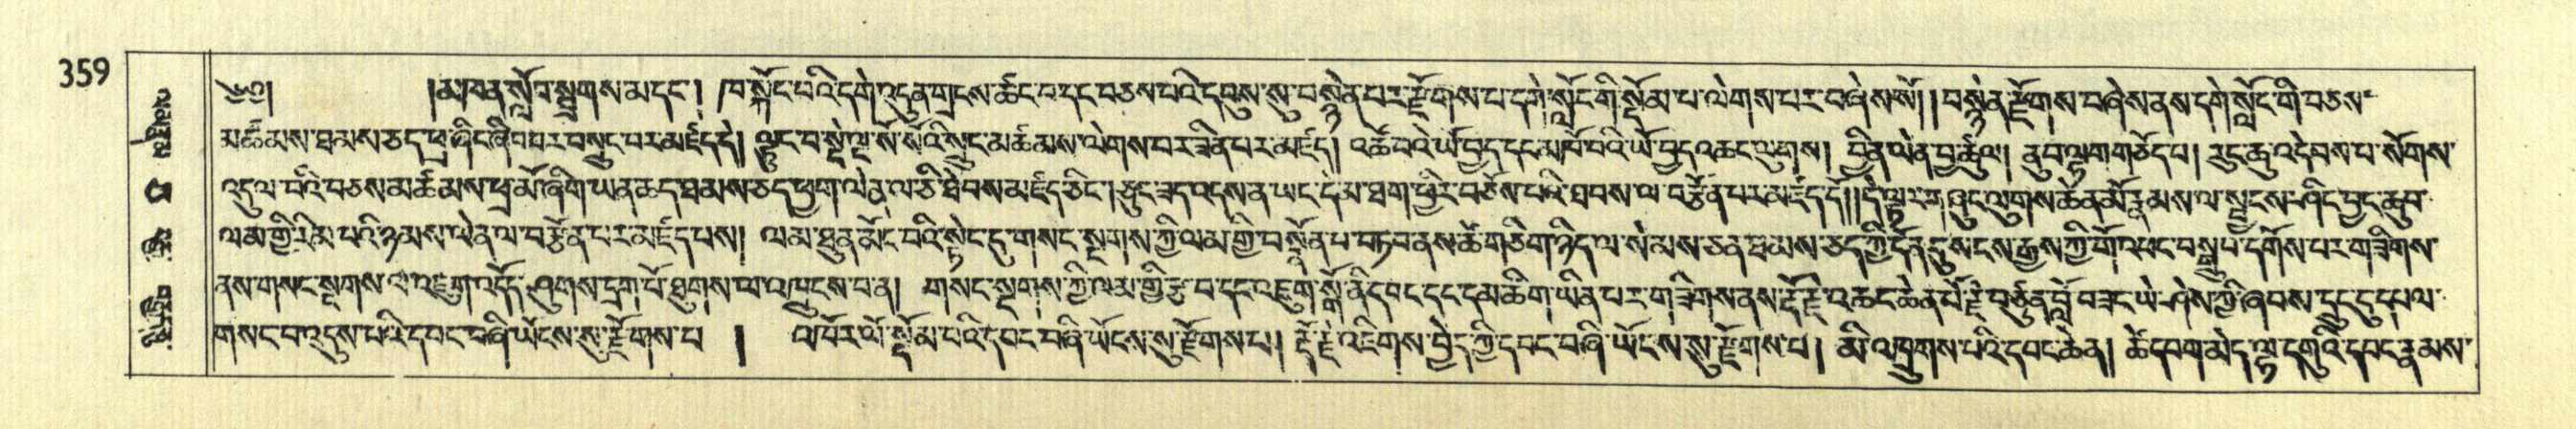༄༅། །མཁན་སློབ་སྦྲགས་མ་དང་། ཁ་སྐོང་བའི་དགེ་འདུན་གྲངས་ཚང་བ་དང་བཅས་པའི་དབུས་སུ་བསྙེན་པར་རྫོགས་པ་དགེ་སློང་གི་སྡོམ་པ་ལེགས་པར་བཞེས་སོ། །བསྙེན་རྫོགས་བཞེས་ནས་དགེ་སློང་གི་བཅས་
མཚམས་ཐམས་ཅད་ཕྲ་ཞིང་ཞིབ་པར་བསྲུང་བར་མཛད་དེ། ལྟུང་བ་སྡེ་ལྔ་སོ་སོའི་སྲུང་མཚམས་ལེགས་བར་ཟིན་པར་མཛད། འཚེ་བའི་ཡོ་བྱད་དང་མཁོ་བའི་ཡོ་བྱད་འཆང་ལུགས། བྱིན་ལེན་བྱ་ཚུལ། ནུབ་ལྷག་གཅོད་པ། རུང་ཆུ་འདེབས་པ་སོགས་
འདུལ་བའི་བཅས་མཚམས་ཕྲ་མོ་ཞིག་ཡན་ཆད་ཐམས་ཅད་ཕྱག་ལེན་ལ་ཅི་ཐེབས་མཛད་ཅིང་། ཅུང་ཟད་འདས་ན་ཡང་དེ་མ་ཐག་ཕྱིར་བཅོས་པའི་ཐབས་ལ་བརྩོན་པར་མཛད་དོ། །དེ་ལྟར་གཞུང་ལུགས་ཆེན་མོ་རྣམས་ལ་སྦྱངས་ཤིང་བྱང་ཆུབ་
ལམ་གྱི་རིམ་པའི་ཉམས་ལེན་ལ་བརྩོན་པར་མཛད་པས། ལམ་ཐུན་མོང་བའི་སྟེང་དུ་གསང་སྔགས་ཀྱི་ལམ་གྱི་བསྣོན་པ་བཏབ་ནས་ཚེ་གཅིག་ཉིད་ལ་སེམས་ཅན་ཐམས་ཅད་ཀྱི་དོན་དུ་སངས་རྒྱས་ཀྱི་གོ་འཕང་བསྒྲུབ་དགོས་པར་གཟིགས་
ནས་གསང་སྔགས་ལ་འཇུག་འདོད་ཤུགས་དྲག་པོ་ཐུགས་ལ་འཁྲུངས་པ་ན། གསང་སྔགས་ཀྱི་ལམ་གྱི་རྩ་བ་དང་འཇུག་སྒོ་ནི་དབང་དང་དམ་ཚིག་ཡིན་པར་གཟིགས་ནས་རྡོ་རྗེ་འཆང་ཆེན་པོ་རྗེ་བཙུན་བློ་བཟང་ཡེ་ཤེས་ཀྱི་ཞབས་དྲུང་དུ་དཔལ་
གསང་བ་འདུས་པའི་དབང་བཞི་ཡོངས་སུ་རྫོགས་པ། འཁོར་ལོ་སྡོམ་པའི་དབང་བཞི་ཡོངས་སུ་རྫོགས་པ། རྡོ་རྗེ་འཇིགས་བྱེད་ཀྱི་དབང་བཞི་ཡོངས་སུ་རྫོགས་པ། མི་འཁྲུགས་པའི་དབང་ཆེན། ཚེ་དཔག་མེད་ལྷ་དགུའི་དབང་རྣམས་